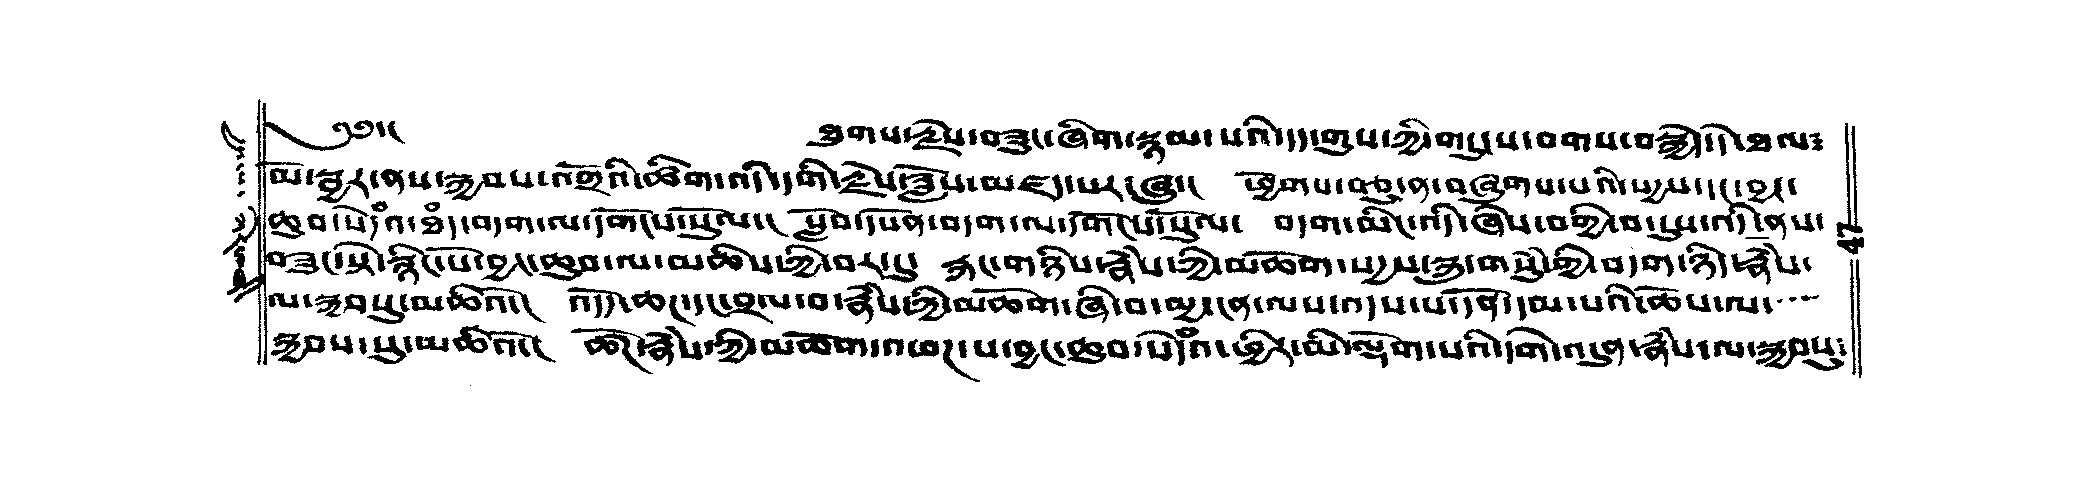ཐུགས་རྗེས་བཟུང་ཞིག་སྙམ་པའི་དད་གུས་ཀྱི་གདུངས་བགས་བསྐྱེད་དེ་ཐལ་
མོ་སྦྱར་ནས་སྐྱབས་འགྲོའི་ཚིག་འདི་དག་གི་རྗེས་ཟློས་མཛད་པར་ཞུ། ཕྱོགས་བཅུ་ན་བཞུགས་པའི་སངས་རྒྱས་དང་བྱང་
ཆུབ་སེམས་དཔའ་ཐམས་ཅད་བདག་ལ་དགོངས་སུ་གསོལ། སློབ་དཔོན་བདག་ལ་དགོངས་སུ་གསོལ། བདག་མིང་འདི་ཞེས་བགྱི་བ་དུས་འདི་ནས་
བཟུང་སྟེ་སྙིང་པོ་བྱང་ཆུབ་ལ་མཆིས་ཀྱི་བར་དུ། རྐང་གཉིས་རྣམས་ཀྱི་མཆོག་སངས་རྒྱས་སྐུ་གསུམ་གྱི་བདག་ཉིད་རྣམས་
ལ་སྐྱབས་སུ་མཆིའོ། འདོད་ཆགས་དང་བྲལ་བ་རྣམས་ཀྱི་མཆོག་ཞི་བ་མྱ་ངན་ལས་འདས་པ་དོན་དམ་པའི་ཆོས་ལ་
སྐྱབས་སུ་མཆིའོ། ཚོགས་རྣམས་ཀྱི་མཆོག་འཕགས་པ་བྱང་ཆུབ་སེམས་དཔའ་ཕྱིར་མི་ལྡོག་པའི་དགེ་འདུན་རྣམས་ལ་སྐྱབས་སུ་